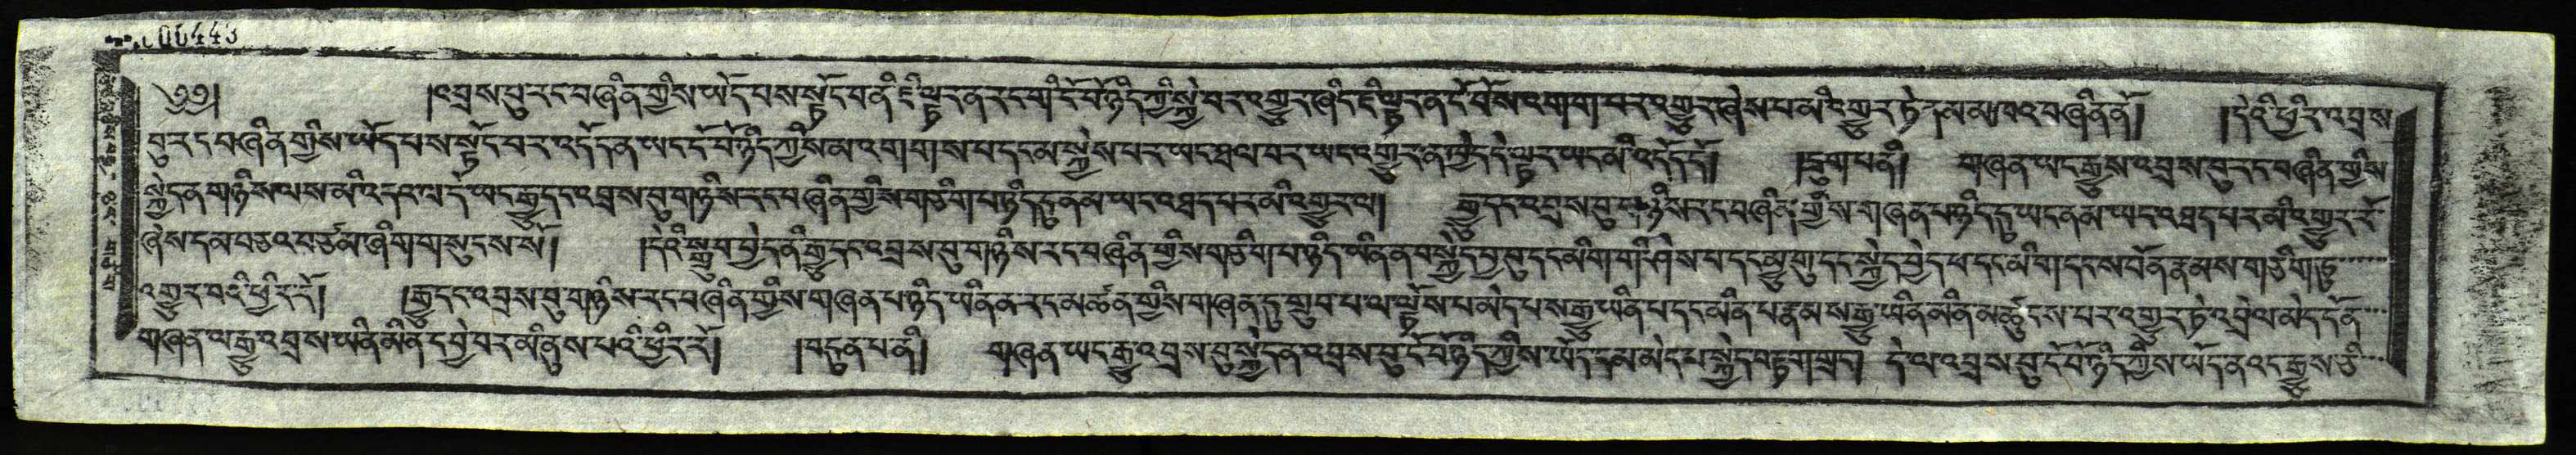༄༅། །འབྲས་བུ་རང་བཞིན་གྱིས་ཡོད་པས་སྟོང་བ་ནི་ཇི་ལྟར་ན་རང་གི་ངོ་བོ་ཉིད་ཀྱི་སྐྱེ་བར་འགྱུར་ཞིང་ཇི་ལྟར་ན་ངོ་བོས་འགག་པར་འགྱུར་ཞེས་པ་མི་འགྱུར་ཏེ་ནམ་མཁའ་བཞིན་ནོ། །དེའི་ཕྱིར་འབྲས་
བུ་རང་བཞིན་གྱིས་ཡོད་པས་སྟོང་བར་འདོད་ན་ཡང་ངོ་བོ་ཉིད་ཀྱིས་མ་འགགས་པ་དང་མ་སྐྱེས་པར་ཡང་ཐལ་བར་ཡང་འགྱུར་ན་ཁྱེད་དེ་ལྟར་ཡང་མི་འདོད་དོ། །དྲུག་པ་ནི། གཞན་ཡང་རྒྱུས་འབྲས་བུ་རང་བཞིན་གྱིས་
སྐྱེད་ན་གཉིས་ལས་མི་འདའ་ལ་དེ་ཡང་རྒྱུ་དང་འབྲས་བུ་གཉིས་རང་བཞིན་གྱིས་གཅིག་པ་ཉིད་དུ་ནམ་ཡང་འཐད་པར་མི་འགྱུར་ལ། རྒྱུ་དང་འབྲས་བུ་གཉིས་རང་བཞིན་གྱིས་གཞན་པ་ཉིད་དུ་ཡང་ནམ་ཡང་འཐད་པར་མི་འགྱུར་རོ་
ཞེས་དམ་བཅའ་བ་ཙམ་ཞིག་གསུངས་སོ། །དེའི་སྒྲུབ་བྱེད་ནི་རྒྱུ་དང་འབྲས་བུ་གཉིས་རང་བཞིན་གྱིས་གཅིག་པ་ཉིད་ཡིན་ན་བསྐྱེད་བྱ་བུ་དང་མིག་གི་ཤེས་པ་དང་མྱུ་གུ་དང་སྐྱེད་བྱེད་ཕ་དང་མིག་དང་ས་བོན་རྣམས་གཅིག་ཏུ་
འགྱུར་བའི་ཕྱིར་རོ། །རྒྱུ་དང་འབྲས་བུ་གཉིས་རང་བཞིན་གྱིས་གཞན་པ་ཉིད་ཡིན་ན་རང་མཚན་གྱིས་གཞན་དུ་གྲུབ་པ་ལ་ལྟོས་པ་མེད་པས་རྒྱུ་ཡིན་པ་དང་མིན་པ་རྣམས་རྒྱུ་ཡིན་མིན་མཚུངས་པར་འགྱུར་ཏེ་འབྲེལ་མེད་དོན་
གཞན་ལ་རྒྱུ་འབྲས་ཡིན་མིན་དབྱེ་བར་མི་ནུས་པའི་ཕྱིར་རོ། །བདུན་པ་ནི། གཞན་ཡང་རྒྱུ་འབྲས་བུ་སྐྱེད་ན་འབྲས་བུ་ངོ་བོ་ཉིད་ཀྱིས་ཡོད་དམ་མེད་པ་སྐྱེད་བརྟག་གྲང་། དེ་ལ་འབྲས་བུ་ངོ་བོ་ཉིད་ཀྱིས་ཡོད་ནའང་རྒྱུས་ཅི་